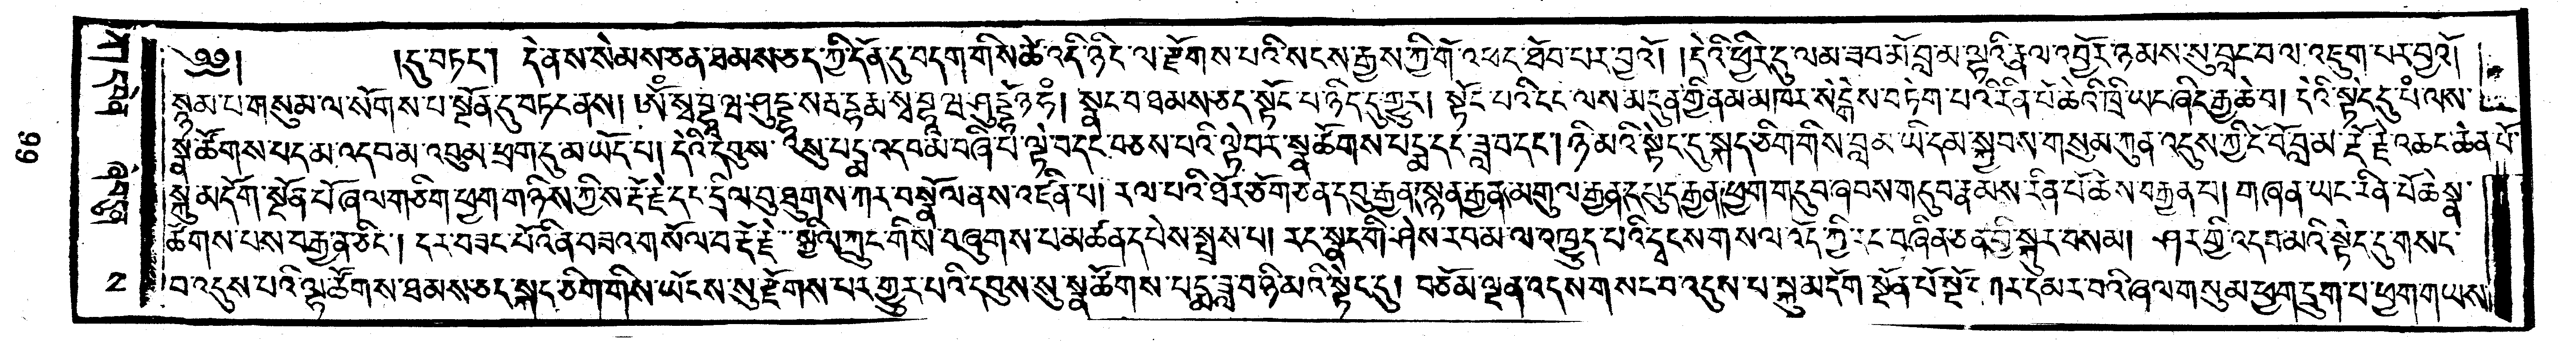༄༅། །དུ་བཏང་། དེ་ནས་སེམས་ཅན་ཐམས་ཅད་ཀྱི་དོན་དུ་བདག་གིས་ཚེ་འདི་ཉིད་ལ་རྫོགས་པའི་སངས་རྒྱས་ཀྱི་གོ་འཕང་ཐོབ་པར་བྱའོ། །དེའི་ཕྱིར་དུ་ལམ་ཟབ་མོ་བླ་མ་ལྷའི་རྣལ་འབྱོར་ཉམས་སུ་བླང་བ་ལ་འཇུག་པར་བྱའོ།
སྙམ་པ་གསུམ་ལ་སོགས་པ་སྔོན་དུ་བཏང་ནས། ཨོཾ་སྭ་བྷཱ་ཝ་ཤུདྡྷཱ་སརྦ་དྷརྨ་སྭ་བྷཱ་ཝ་ཤུདྡྷོཉཧཾ། སྣང་བ་ཐམས་ཅད་སྟོང་པ་ཉིད་དུ་གྱུར། སྟོང་པའི་ངང་ལས་མདུན་གྱི་ནམ་མཁར་སེངྒེས་བཏེག་པའི་རིན་པོ་ཆེའི་ཁྲི་ཡང་ཞིང་རྒྱ་ཆེ་བ། དེའི་སྟེང་དུ་པཾ་ལས་
སྣ་ཚོགས་པད་མ་འདབ་མ་འབུམ་ཕྲག་དུ་མ་ཡོད་པ། དེའི་དབུས་སུ་པདམ་འདབ་མ་བཞི་པ་ལྟེ་བ་དང་བཅས་པའི་ལྟེ་བར་སྣ་ཚོགས་པདམ་དང་ཟླ་བ་དང་། ཉི་མའི་སྟེང་དུ་སྐད་ཅིག་གིས་བླ་མ་ཡི་དམ་སྐྱབས་གསུམ་ཀུན་འདུས་ཀྱི་ངོ་བོ་བླ་མ་རྡོ་རྗེ་འཆང་ཆེན་པོ་
སྐུ་མདོག་སྔོན་པོ་ཞལ་གཅིག་ཕྱག་གཉིས་ཀྱིས་རྡོ་རྗེ་དང་དྲིལ་བུ་ཐུགས་ཀར་བསྣོལ་ནས་འཛིན་པ། རལ་པའི་ཐོར་ཅོག་ཅན་དབུ་རྒྱན༑ སྙན་རྒྱན༑ མགུལ་རྒྱན༑ དཔུད་རྒྱན༑ ཕྱག་གདུབ་ཞབས་གདུབ་རྣམས་རིན་པོ་ཆེས་བརྒྱན་པ། གཞན་ཡང་རིན་པོ་ཆེ་སྣ་
ཚོགས་པས་བརྒྱན་ཅིང་། དར་བཟང་པོའི་ན་བཟའ་གསོལ་བ་རྡོ་རྗེ་སྐྱིལ་ཀྲུང་གིས་བཞུགས་པ་མཚན་དཔེས་སྤྲས་པ། རང་སྣང་གི་ཤེས་རབ་མ་ལ་འཁྱུད་པའི་དྭངས་གསལ་འོད་ཀྱི་རང་བཞིན་ཅན་གྱི་སྐུར་བསམ། ཤར་གྱི་འདབ་མའི་སྟེང་དུ་གསང་
བ་འདུས་པའི་ལྷ་ཚོགས་ཐམས་ཅད་སྐད་ཅིག་གིས་ཡོངས་སུ་རྫོགས་པར་གྱུར་པའི་དབུས་སུ་སྣ་ཚོགས་པདམ་ཟླ་བ་ཉི་མའི་སྟེང་དུ། བཅོམ་ལྡན་འདས་གསང་བ་འདུས་པ་སྐུ་མདོག་སྔོན་པོ་སྔོ་དཀར་དམར་བའི་ཞལ་གསུམ་ཕྱག་དྲུག་པ་ཕྱག་གཡས་